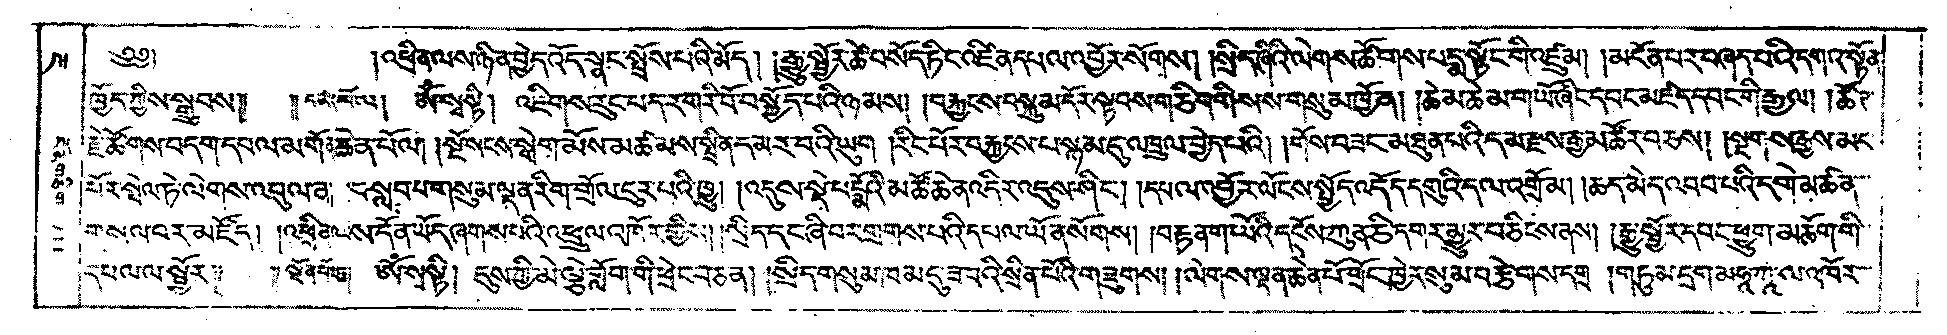༄༅། །འཕྲིན་ལས་ཉིན་བྱེད་འོད་སྣང་སྤྲོས་པའི་མོད། །རྒྱུ་སྦྱོར་ཚེ་བསོད་ཏིང་འཛིན་དཔལ་འབྱོར་སོགས། །སྲིད་ཞིའི་ལེགས་ཚོགས་པདམ་སྟོང་གི་འཛུམ། །མངོན་པར་བཞད་པའི་དགའ་སྟོན་
ཁྱོད་ཀྱིས་སྒྲུབས།། །། དམར་པོ་ལ།  ཨོཾ་སྭ་སྟི། འཇིགས་རུང་པད་རག་རི་བོ་བསྐྱོད་པའི་ཉམས། །བརྐྱངས་བསྐུམ་དོར་སྟབས་གཅིག་གིས་ས་གསུམ་ཁྱོན། །ཆེམ་ཆེམ་གཡོ་ཞིང་དབང་མཛད་དབང་གི་རྒྱལ། །ཚོགས་
རྗེ་ཚོགས་བདག་དཔལ་མགོན་ཆེན་པོ་ལ། །སྔོ་སངས་སྒེག་མོས་མཚམས་སྤྲིན་དམར་པའི་ཡུག །རིང་པོར་བརྐྱངས་པ་སྙམ་དུ་འཁྲུལ་བྱེད་པའི། །གོས་བཟང་མཐུན་པའི་དམ་རྫས་རྒྱ་མཚོར་བཅས། །སྔགས་རྒྱས་མང་
པོར་སྤེལ་ཏེ་ལེགས་འབུལ་ན། །བསླབ་པ་གསུམ་ལྡན་རིག་གྲོལ་ངུར་པའི་ཁྱུ། །འདུས་སྡེ་པདམོའི་མཚོ་ཆེན་འདིར་འདུས་ཤིང་། །དཔལ་འབྱོར་ལོངས་སྤྱོད་འདོད་དགུའི་དལ་འགྲོ་མ། །ཆད་མེད་འབབ་པའི་དགེ་མཚན་
གསལ་བར་མཛོད། །འཕྲིན་ལས་དོན་ཡོད་ཞགས་པའི་འཕྲུལ་འཁོར་གྱིས། །སྲིད་དང་ཞི་བར་གྲགས་པའི་དཔལ་ཡོན་སོགས། །བརྟན་གཡོའི་དངོས་ཀུན་ཅི་དགར་མྱུར་བཅིངས་ནས། །རྒྱུ་སྦྱོར་དབང་ཕྱུག་མཆོག་གི་
དཔལ་ལ་སྦྱོར།། །། སྔོན་པོ་ལ།  ཨོཾ་སྭ་སྟི། དུས་ཀྱི་མེ་ལྕེ་གློག་གི་ཕྲེང་བ་ཅན། །སྲིད་གསུམ་ཁམ་དུ་ཟ་བའི་སྲིན་པོའི་གཟུགས། །ལེགས་ལྡན་ཆེན་པོ་གྲོང་ཁྱེར་སུམ་བརྩེགས་དགྲ་།གཏུམ་དྲག་མཧཱ་ཀཱ་ལ་འཁོར་